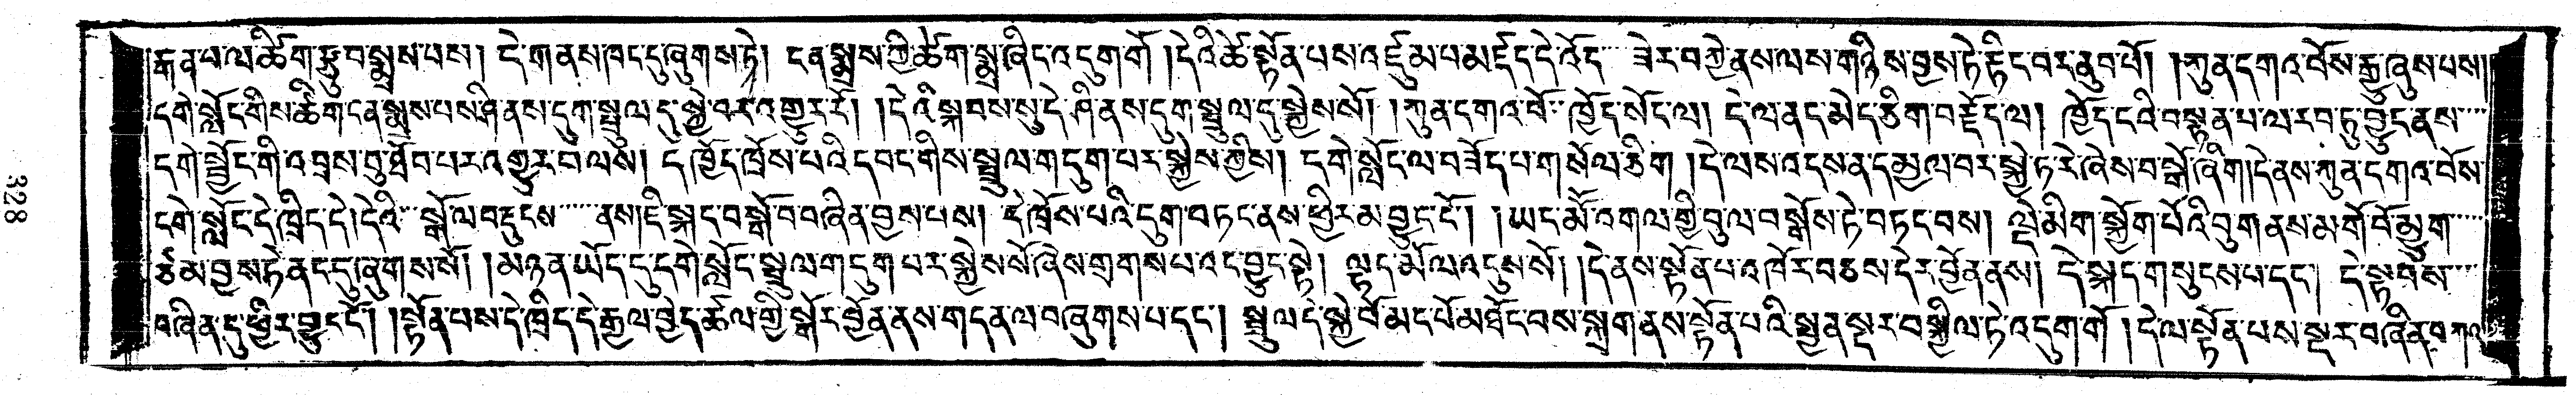རྒན་པ་ལ་ཚིག་རྩུབ་སྨྲས་པས། དེ་གནས་ཁང་དུ་ཞུགས་ཏེ། ངན་སྨྲས་ཀྱི་ཚེག་སྨྲ་ཞིང་འདུག་གོ །དེའི་ཚེ་སྟོན་པས་འཛུམ་པ་མཛད་དེ་འོད་ཟེར་བཀྱེ་ནས་ལས་གཉིས་བྱས་ཏེ་རྟིང་བར་ནུབ་པོ། །ཀུན་དགའ་བོས་རྒྱུ་ཞུས་པས།
དགེ་སློང་གིས་ཚིག་ངན་སྨྲས་པས་ཤི་ནས་དུག་སྤྲུལ་དུ་སྐྱེ་བར་འགྱུར་རོ། །དེའི་སྐབས་སུ་དེ་ཤི་ནས་དུག་སྤྲུལ་དུ་སྐྱེས་སོ། །ཀུན་དགའ་བོ་ཁྱོད་སོང་ལ། དེ་ལ་ནད་མེད་ཅིག་བརྗོད་ལ། ཁྱོད་ངའི་བསྟན་པ་ལ་རབ་ཏུ་བྱུང་ནས་
དགེ་སྦྱོང་གི་འབྲས་བུ་ཐོབ་པར་འགྱུར་བ་ལས། ད་ཁྱོད་ཁྲོས་པའི་དབང་གིས་སྦྲུལ་གདུག་པར་སྐྱེས་ཀྱིས། དགེ་སློང་ལ་བཟོད་པ་གསོལ་ཅིག །དེ་ལས་འདས་ན་དམྱལ་བར་སྐྱེ་ཏ་རེ་ཞེས་བ་སྒོ་ཞིག། དེ་ནས་ཀུན་དགའ་བོས་
དགེ་སློང་དེ་ཁྲིད་དེ། དེའི་སྒོ་ལ་བརྡུངས་ནས་།ཇི་སྐད་བསྒོ་བ་བཞིན་བྱས་པས། དེ་ཁྲོས་པའི་དུག་བཏང་ནས་ཕྱིར་མ་བྱུང་ངོ། །ཡང་མཽ་འགལ་གྱི་བུ་ལ་བསྒོས་ཏེ་བཏང་བས། ལྡེ་མིག་སྐྱོག་པོའི་བུ་གནས་མགོ་བོ་མྱུག་
ཙམ་བྱས་ཏེ་ནང་དུ་ཞུགས་སོ། །མཉན་ཡོད་དུ་དགེ་སློང་སྦྲུལ་གདུག་པར་སྐྱེས་སོ་ཞེས་གྲགས་པའང་བྱུང་སྟེ། ལྟད་མོ་ལ་འདུས་སོ། །དེ་ནས་སྟོན་པ་འཁོར་བཅས་དེར་བྱོན་ནས། དེ་སྐད་གསུངས་པ་དང་། དེ་སྟབས་
བཞིན་དུ་ཕྱིར་བྱུང་ངོ། །སྟོན་པས་དེ་ཁྲིད་དེ་རྒྱལ་བྱེད་ཚལ་གྱི་སྒོར་བྱོན་ནས་གདན་ལ་བཞུགས་པ་དང་། སྦྲུལ་དེ་སྐྱེ་བོ་མང་པོ་མཐོང་བས་སྐྲག་ནས་སྟོན་པའི་སྤྱན་སྔར་བསྐྱིལ་ཏེ་འདུག་གོ །དེ་ལ་སྟོན་པས་སྔར་བཞིན་བཀའ་